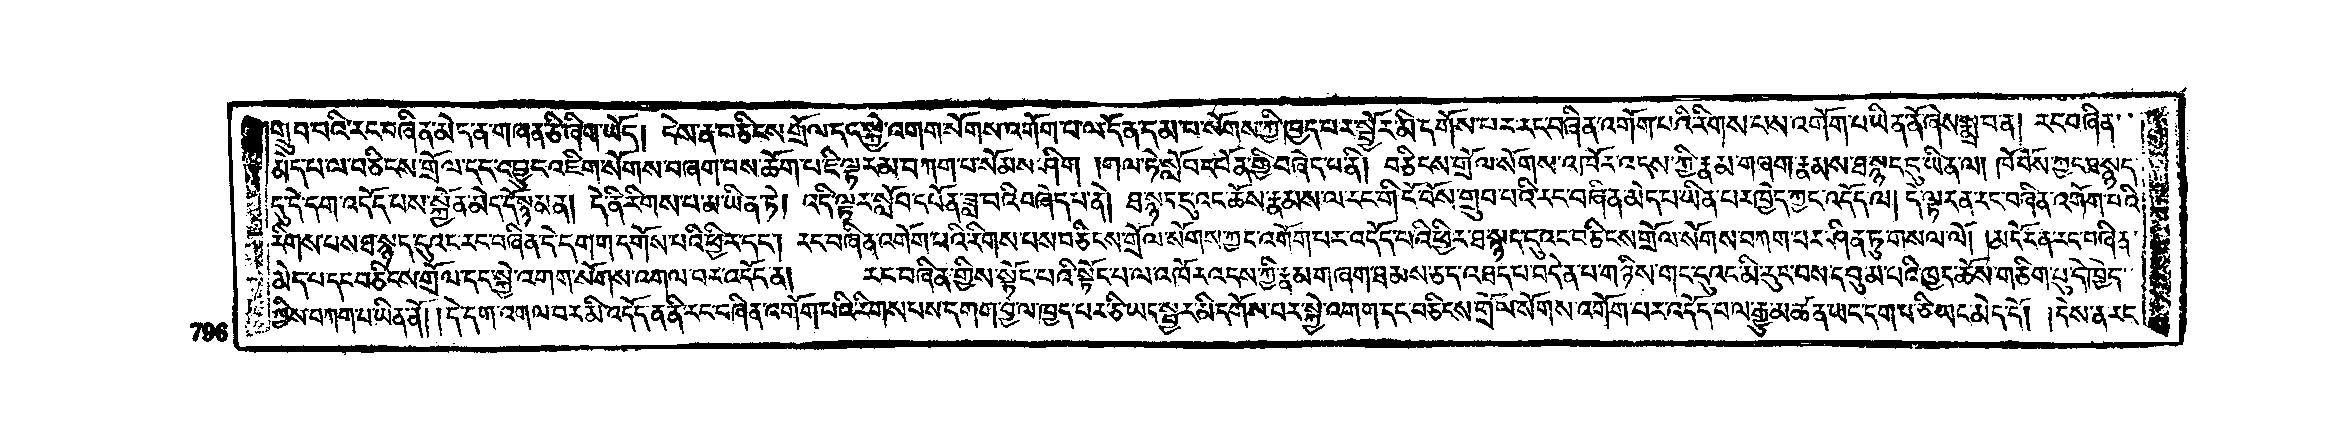གྲུབ་པའི་རང་བཞིན་མེད་ན་གཞན་ཅི་ཞིག་ཡོད། དེས་ན་བཅིངས་གྲོལ་དང་སྐྱེ་འགག་སོགས་འགོག་པ་ལ་དོན་དམ་པ་སོགས་ཀྱི་ཁྱད་པར་སྦྱོར་མི་དགོས་པར་རང་བཞིན་འགོག་པའི་རིགས་པས་འགོག་པ་ཡིན་ནོ་ཞེས་སྨྲ་བ་ན། རང་བཞིན་
མེད་པ་ལ་བཅིངས་གྲོལ་དང་འབྱུང་འཇིག་སོགས་བཞག་པས་ཆོག་པ་ཇི་ལྟར་མ་བཀག་པ་སོགས་ཤིག །གལ་ཏེ་སློབ་དཔོན་གྱི་བཞེད་པ་ནི། བཅིངས་གྲོལ་སོགས་འཁོར་འདས་ཀྱི་རྣམ་གཞག་རྣམས་ཐ་སྙད་དུ་ཡིན་ལ། ཁོ་བོས་ཀྱང་ཐ་སྙད་
དུ་དེ་དག་འདོད་བས་སྐྱོན་མེད་དོ་སྙམ་ན། དེ་ནི་རིགས་པ་མ་ཡིན་ཏེ། འདི་ལྟར་སློབ་དཔོན་ཟླ་བའི་བཞེད་པ་ནི། ཐ་སྙད་དུའང་ཆོས་རྣམས་ལ་རང་གི་ངོ་བོས་གྲུབ་པའི་རང་བཞིན་མེད་པ་ཡིན་པར་ཁྱེད་ཀྱང་འདོད་ལ། དེ་ལྟར་ན་རང་བཞིན་འགོག་པའི་
རིགས་པས་ཐ་སྙད་དུའང་རང་བཞིན་དེ་དགག་དགོས་པའི་ཕྱིར་དང་། རང་བཞིན་འགོག་པའི་རིགས་པས་བཅིངས་གྲོལ་སོགས་ཀྱང་འགོག་པར་འདོད་པའི་ཕྱིར་ཐ་སྙད་དུའང་བཅིངས་གྲོལ་སོགས་བཀག་པར་ཤིན་ཏུ་གསལ་ལོ། །མདོར་ན་རང་བཞིན་
མེད་པ་དང་བཅིངས་གྲོལ་དང་སྐྱེ་འགག་སོགས་འགལ་བར་འདོད་ན། རང་བཞིན་གྱིས་སྟོང་པའི་སྟོང་པ་ལ་འཁོར་འདས་ཀྱི་རྣམ་གཞག་ཐམས་ཅད་འཐད་པ་བདེན་པ་གཉིས་གང་དུའང་མི་རུང་བས་དབུ་མ་པའི་ཁྱད་ཆོས་གཅིག་པུ་དེ་ཁྱེད་
ཀྱིས་བཀག་པ་ཡིན་ནོ། །དེ་དག་འགལ་བར་མི་འདོད་ན་ནི་རང་བཞིན་འགོག་པའི་རིགས་པས་དགག་བྱ་ལ་ཁྱད་པར་ཅི་ཡང་སྦྱར་མི་དགོས་པར་སྐྱེ་འགག་དང་བཅིངས་གྲོལ་སོགས་འགོག་པར་འདོད་པ་ལ་རྒྱུ་མཚན་ཡང་དག་པ་ཅི་ཡང་མེད་དོ། །དེས་ན་རང་